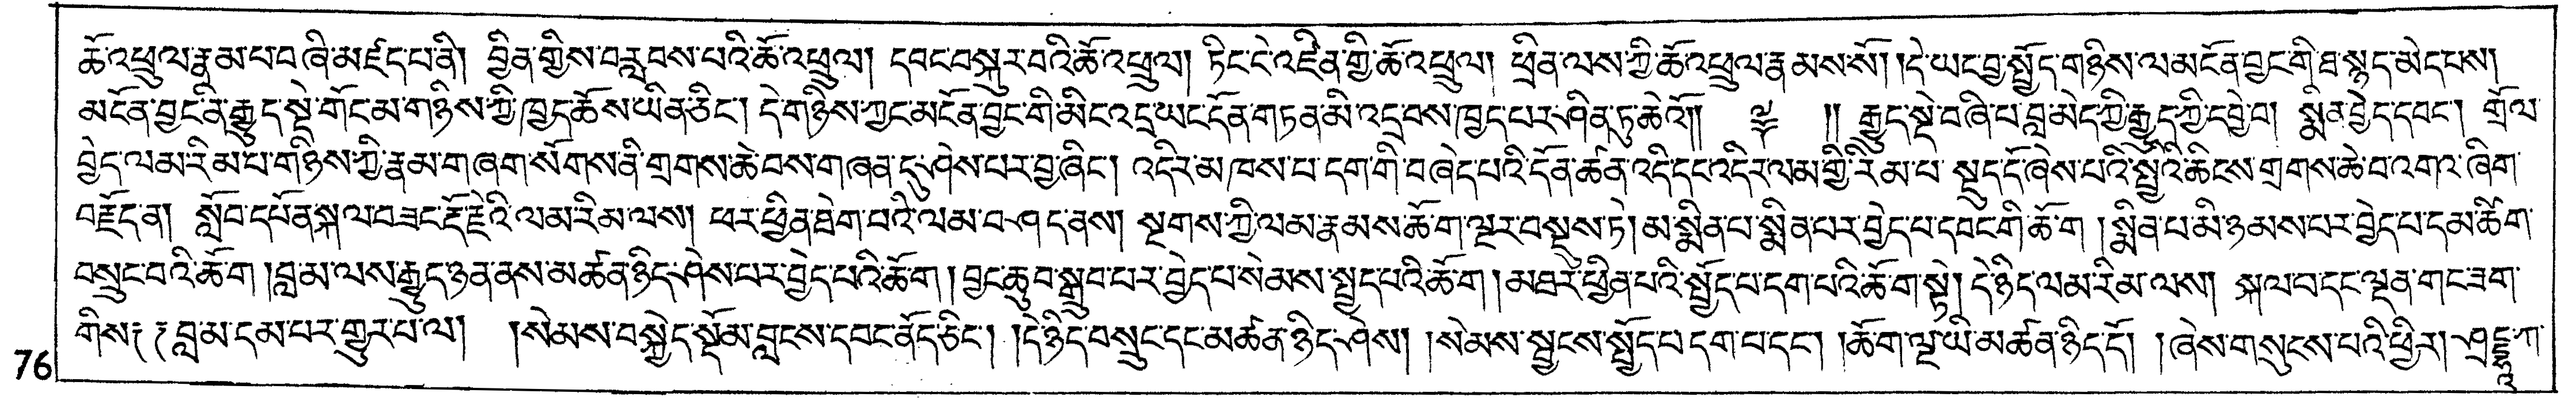ཆོ་འཕྲུལ་རྣམ་པ་བཞི་མཛད་པ་ནི། བྱིན་གྱིས་བརླབས་པའི་ཆོ་འཕྲུལ། དབང་བསྐུར་བའི་ཆོ་འཕྲུལ། ཏིང་ངེ་འཛིན་གྱི་ཆོ་འཕྲུལ། ཕྲིན་ལས་ཀྱི་ཆོ་འཕྲུལ་རྣམས་སོ། །དེ་ཡང་བྱ་སྤྱོད་གཉིས་ལ་མངོན་བྱང་གི་ཐ་སྙད་མེད་པས།
མངོན་བྱང་ནི་རྒྱུད་སྡེ་གོང་མ་གཉིས་ཀྱི་ཁྱད་ཆོས་ཡིན་ཅིང་། དེ་གཉིས་ཀྱང་མངོན་བྱང་གི་མིང་འདྲ་ཡང་དོན་གཏན་མི་འདྲ་བས་ཁྱད་པར་ཤིན་ཏུ་ཆེའོ།། ༈ །།རྒྱུད་སྡེ་བཞི་པ་བླ་མེད་ཀྱི་རྒྱུད་ཀྱི་དབྱེ་བ། སྨིན་བྱེད་དབང་། གྲོལ་
བྱེད་ལམ་རིམ་པ་གཉིས་ཀྱི་རྣམ་གཞག་སོགས་ནི་གྲགས་ཆེ་བས་གཞན་དུ་ཤེས་པར་བྱ་ཞིང་། འདིར་མཁས་པ་དག་གི་བཞེད་པའི་དོན་ཚན་འདི་དང་འདིར་ལམ་གྱི་རིམ་པ་སྡུད་དོ་ཞེས་པའི་སྤྱིའི་ཆིངས་གྲགས་ཆེ་བ་འགའ་ཞིག་
བརྗོད་ན། སློབ་དཔོན་སྐལ་བཟང་རྡོ་རྗེའི་ལམ་རིམ་ལས། ཕར་ཕྱིན་ཐེག་པའི་ལམ་བཤད་ནས། སྔགས་ཀྱི་ལམ་རྣམས་ཆོ་ག་ལྔར་བསྡུས་ཏེ། མ་སྨིན་པ་སྨིན་པར་བྱེད་པ་དབང་གི་ཆོ་ག །སྨིན་པ་མི་ཉམས་པར་བྱེད་པ་དམ་ཚིག་
བསྲུང་བའི་ཆོ་ག །བླ་མ་ལས་རྒྱུད་ཉན་ནས་མཚན་ཉིད་ཤེས་པར་བྱེད་པའི་ཆོ་ག །བྱང་ཆུབ་སྒྲུབ་པར་བྱེད་པ་སེམས་སྤྱད་པའི་ཆོ་ག །མཐར་ཕྱིན་པའི་སྤྱོད་པ་དག་པའི་ཆོ་ག་སྟེ། དེ་ཉིད་ལམ་རིམ་ལས། སྐལ་བ་དང་ལྡན་གང་ཟག་
གིས། །བླ་མ་དམ་པར་གྱུར་པ་ལ། །སེམས་བསྐྱེད་སྡོམ་བླངས་དབང་ནོད་ཅིང་། །དེ་ཉིད་བསྲུང་དང་མཚན་ཉིད་ཤེས། །སེམས་སྦྱངས་སྤྱོད་པ་དག་པ་དང་། །ཆོ་ག་ལྔ་ཡི་མཚན་ཉིད་དོ། །ཞེས་གསུངས་པའི་ཕྱིར། ཤྲདྡྷཱ་ཀ་